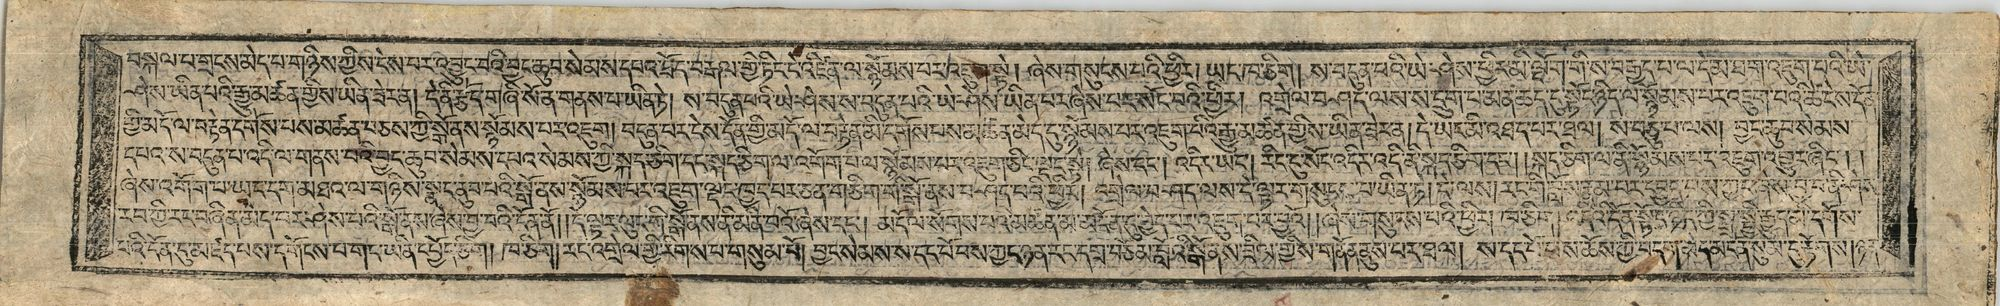བསྐལ་པ་གྲངས་མེད་པ་གཉིས་ཀྱིས་ངེས་པར་འབྱུང་བའི་བྱང་ཆུབ་སེམས་དབའཐོད་བརྒལ་གྱི་ཏིང་ངེ་འཛིན་ལ་སྙོམས་པར་འཇུག་སྟེ། ཞེས་གསུངས་པའི་ཕྱིར། ཡང་ཁ་ཅིག །ས་བདུན་པའི་ཡེ་ཤེས་ཕྱིར་མི་ལྡོག་གི་ས་བརྒྱད་པ་ལ་དེ་མ་ཐག་འཇུག་པའི་ཡེ་
ཤེས་ཡིན་པའི་རྒྱུ་མཚན་གྱིས་ཡིན་ཟེར་ན། དེ་ནི་རྩོད་གཞི་སོ་ན་གནས་པ་ཡིན་ཏེ། ས་བདུན་པའི་ཡེ་ཤེས་ས་བདུན་པའི་ཡེ་ཤེས་ཡིན་པར་ཞེས་པར་སོང་བའི་ཕྱིར། འགྲེལ་བཤད་ལས་ས་དྲུག་པ་མན་ཆད་དུ་སྟོང་ཉིད་ལ་སྙོམས་པར་འཇུག་པའི་ཚེ་ངེས་དོན་
གྱི་མདོ་ལ་བརྟེན་དགོས་པས་མཚན་བཅས་ཀྱི་སྒོ་ནས་སྙོམས་པར་འཇུག །བདུན་པར་ངེས་དོན་གྱི་མདོ་ལ་བརྟེན་མི་དགོས་པས་མཚན་མེད་དུ་སྙོམས་པར་འཇུག་པའི་རྒྱུ་མཚན་གྱིས་ཡིན་ཟེར་ན། དེ་ཡང་མི་འཐད་པར་ཐལ། ས་བཅུ་པ་ལས། བྱང་ཆུབ་སེམས་
དཔའ་ས་བདུན་པ་འདི་ལ་གནས་པའི་བྱང་ཆུབ་སེམས་དཔའ་སེམས་ཀྱི་སྐད་ཅིག་དང་སྐད་ཅིག་ལ་འགོག་པ་ལ་སྙོམས་པར་འཇུག་ཅིང་ལྡང་སྟེ། ཞེས་དང་། འདིར་ཡང་། རིང་དུ་སོང་འདིར་འདི་ནི་སྐད་ཅིག་དང་། །སྐད་ཅིག་ལ་ནི་སྙོམས་པར་འཇུག་འགྱུར་ཞིང་། །
ཞེས་འགོག་པ་ཡང་དག་མཐའ་ལ་གཉིས་སྣང་ནུབ་པའི་སྒོ་ནས་སྙོམས་པར་འཇུག་ལྡང་ཁྱད་པར་ཅན་གཅིག་གི་སྒོ་ནས་བཤད་པའི་ཕྱིར། འགྲེལ་བཤད་ལས་དེ་ལྟར་གསུངས་པ་ཡིན་ཏེ། དེ་ལས། རང་གི་བློས་རྣམ་པར་དབྱདཔས་ཀྱང་ཞེས་བྱ་བ་ནི་ཤེས་
རབ་ཀྱི་རང་བཞིན་མེད་པར་ཤེས་པའི་སྒོ་ནས་ཞེས་བྱ་བའི་དོན་ནོ། །དེ་ལྟར་ལུང་གི་སྒོ་ནས་ནི་མིན་པའོ་ཞེས་དང་། མདོ་ལ་སོགས་པའི་མཚན་མ་མདོནྡུ་བྱེད་བར་འཇུག་པར་བྱའོ། །ཞེས་གསུངས་པའི་ཕྱིར། ཁ་ཅིག །འདིའི་དོན་སྟོང་ཉིད་ཀྱི་སྒྲ་སྦྱིརྒྱུད་མི་དགོས་
པའི་དོན་དུ་མཛད་པས་དགོངས་པ་གང་ཡིན་དཔྱོད་ཅིག །ཁ་ཅིག ། རང་འགྲེལ་གྱི་རིགས་པ་གསུམ་པོ། བྱང་སེམས་ས་དང་པོ་བས་ཀྱང་ཉན་རང་དགྲ་བཅོམ་བློའི་སྒོ་ནས་ཟིལ་གྱིས་གནོན་ནུས་པར་ཐལ། ས་དང་པོ་པས་ཆོས་ཀྱི་བདག་མེད་མངོན་སུམ་དུ་རྟོགས། ཉན་